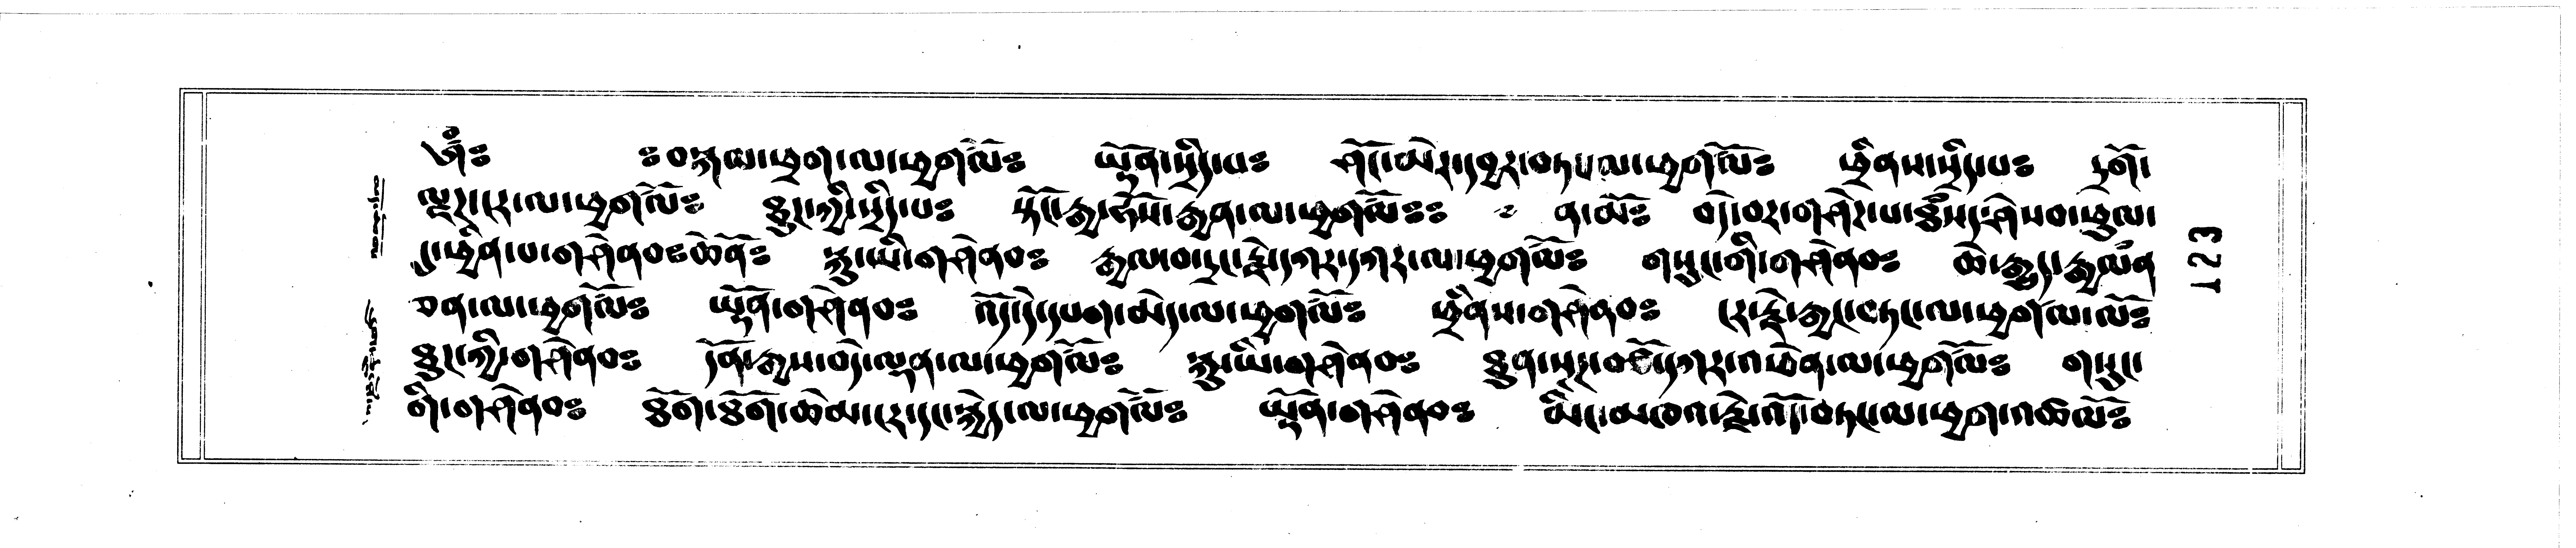བསྐལ་ཕྲག་ལ་ཕྱག་འཚལ་ལོཿ ཡོན་ཏན་གྱི་སྲིད་པཿ ཤོང་མེར་དབྱར་བཏང་ལ་ཕྱག་འཚལ་ལོཿ ཕྲིན་ལས་ཀྱི་སྲིད་པཿ དྲག་པོ་
ལྗགས་ངར་ལ་ཕྱག་འཚལ་ལོཿ ཐུགས་ཀྱི་སྲིད་པཿ སྟོང་རྒྱ་ཧོས་རྒྱན་ལ་ཕྱག་འཚལ་ལོཿ ན་མོ་བདེ་བར་གཤེགས་པ་ཐམས་ཅད་ཀྱི་ཤེས་རབ་ཕུལ་
ཏུ་ཕྱིན་པའི་གཤེན་རབ་ཆེན་པོཿ སྐུ་ཡི་གཤེན་རབཿ རྒྱལ་བ་དྲང་རྗེ་དཀར་ལ་ཕྱག་འཚལ་ལོཿ གསུང་གི་གཤེན་རབཿ ཆེ་བརྗིད་ཀྱི་རྒྱལ་མཚན་
ཅན་ལ་ཕྱག་འཚལ་ལོཿ ཡོན་ཏན་གྱི་གཤེན་རབཿ འོད་དེ་དཔག་མེད་ལ་ཕྱག་འཚལ་ལོཿ ཕྲིན་ལས་ཀྱི་གཤེན་རབཿ ངར་རྗེ་རྒྱལ་བཏང་ལ་ཕྱག་འཚལ་ལོཿ 
ཐུགས་ཀྱི་གཤེན་རབཿ དོན་རྒྱས་བདེ་ལྡན་ལ་ཕྱག་འཚལ་ལོཿ སྐུ་ཡི་གཤེན་རབཿ ཐུན་སྔགས་བཙོ་དཀར་འཕེན་ལ་ཕྱག་འཚལ་ལོཿ གསུང་
གི་གཤེན་རབཿ ཐོག་ཐོག་ཆེམ་ངར་དང་སྐྱེད་ལ་ཕྱག་འཚལ་ལོཿ ཡོན་ཏན་གྱི་གཤེན་རབཿ མིང་མཁའ་རྗེ་འོད་བཏང་ལ་ཕྱག་འཚལ་ལོཿ